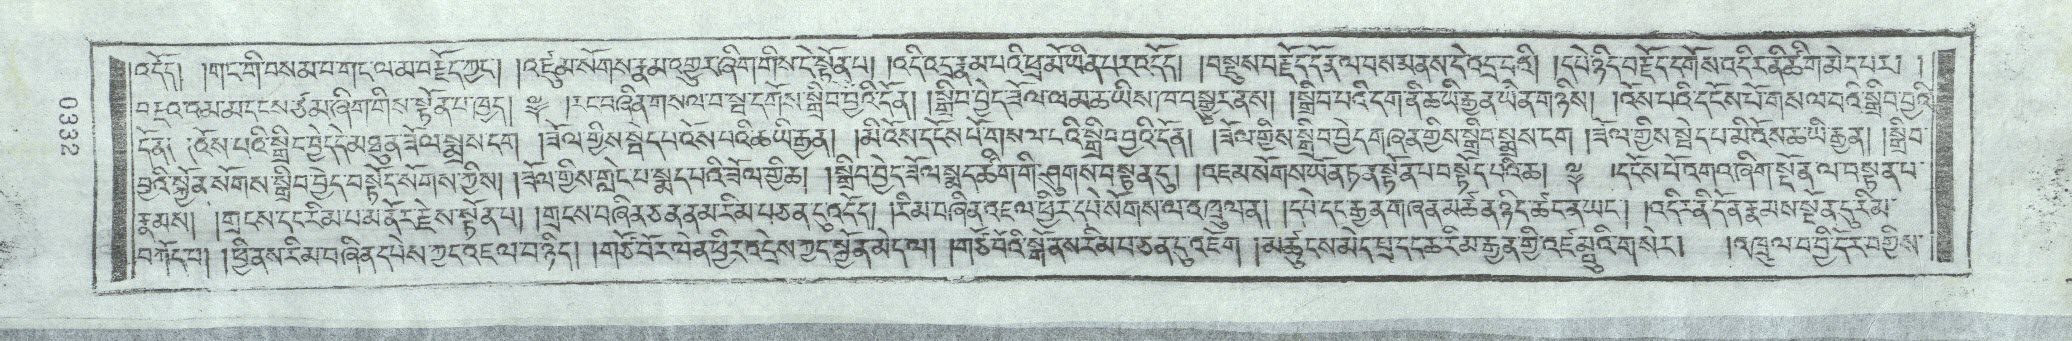འདོད། །གང་གི་བསམ་བ་གང་ལམ་བརྗོད་ཀྱང་། །འཛུམ་སོགས་རྣམ་འགྱུར་ཞིག་གིས་དེ་སྟོན་པ། །འདི་འདྲ་རྣམ་པའི་ཕྲ་མོ་ཡིན་པར་འདོད། །བསྡུས་བརྗོད་དོན་ལ་བསམ་ནས་དེ་འདྲ་བའི། །དཔེ་ཉིད་བརྗོད་དགོས་འདིར་ནི་ཚིག་མེད་པར། །
བརྡའ་འམ་མདངས་ཙམ་ཞིག་གིས་སྟོན་པ་ཁྱད། ༈ །རང་བཞིན་གསལ་བ་སྦ་དགོས་སྒྲིབ་བྱའི་དོན། །སྒྲིབ་བྱེད་ཟོལ་ལ་མ་ཆ་ཡིས་ཁ་སྒྱུར་ནས། །སྒྲིབ་པའི་དག་ནི་ཆ་ཡི་རྒྱུན་ཡིན་གཉིས། །འོས་པའི་དངོས་པོ་གསལ་བའི་སྒྲིབ་བྱའི་
དོན། །འོས་པའི་སྒྲིབ་བྱེད་དེ་མཐུན་ཟོལ་སྨྲས་ངག །ཟོལ་གྱིས་སྦེ་དང་འོས་པའི་ཆ་ཡི་རྒྱན། །མི་འོས་དངོས་པོ་གསལ་བའི་སྒྲིབ་བྱའི་དོན། །ཟོལ་གྱིས་སྒྲིབ་བྱེད་གཞན་གྱིས་སྒྲིབ་སྨྲས་ངག །ཟོལ་གྱིས་སྦེད་པ་མི་འོས་ཆ་ཡི་རྒྱན། །སྒྲིབ་
བྱའི་སྐྱོན་སོགས་སྒྲིབ་བྱེད་བསྟོད་སོགས་ཀྱིས། །ཟོལ་གྱིས་གླེང་པ་སྨད་པའི་ཟོལ་གྱི་ཆ། །སྒྲིབ་བྱེད་ཟོལ་སྨད་ཚིག་གི་ཤུགས་བསྟན་དུ། །འཇམ་སོགས་ཡོན་ཏན་སྟོན་པ་བསྟོད་པའི་ཆ། ༈ །དངོས་པོ་འགའ་ཞིག་སྡོན་ལ་བསྟན་པ་
རྣམས། །གྲངས་དང་རིམ་པ་མ་ནོར་རྗེས་སྟོན་པ། །གྲངས་བཞིན་ཅན་ནམ་རིམ་པ་ཅན་དུ་འདོང་། །རིམ་བཞིན་འཇལ་ཕྱིར་དཔེ་སོགས་ལ་འཁྲུལ་ན། །དཔེ་དང་རྒྱན་གཞན་མཚན་ཉིད་ཚང་ན་ཡང་། །འདིར་ནི་དོན་རྣམས་སྡོན་དུ་རིམ?
བཀོད་པ། །ཕྱི་ནས་རིམ་བཞིན་དཔེས་ཀྱང་འཇལ་བྙིད། །གཙོ་བོར་ལེན་ཕྱིར་འདྲེས་ཀྱང་སྐྱོན་མེད་ལ། །གཙོ་བོའི་སྒོ་ནས་རིམ་པ་ཅན་དུ་འཇོག །མཚུངས་མེད་པྲ་དང་ཆ་རིམ་རྒྱུན་གྱི་འཛམྦཱུའི་གསེར། །འཁྲུལ་བ་བྱི་དོ་རང་གྱིས་